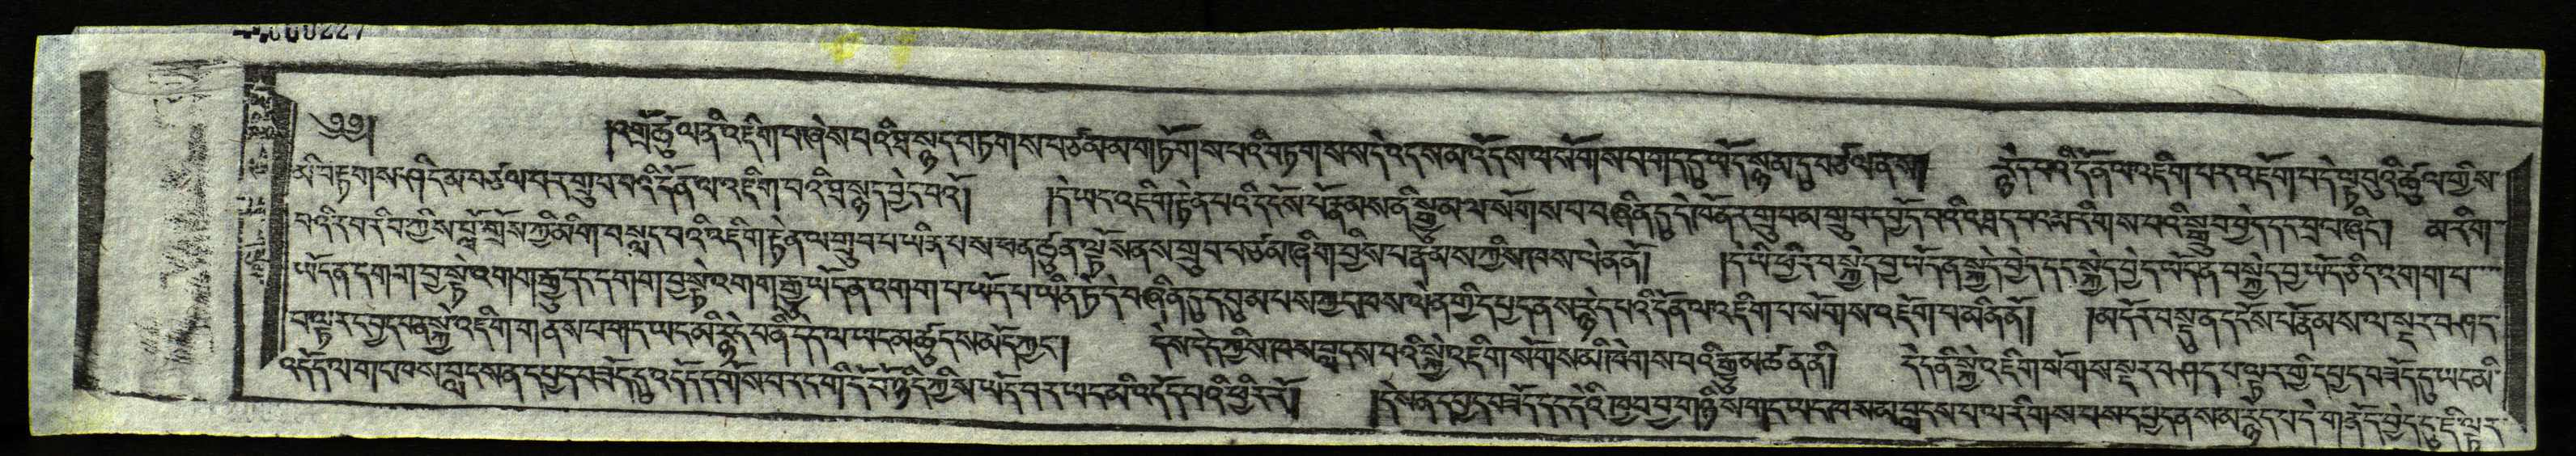༄༅། །འགྲོ་ཚུལ་ནི་འཇིག་པ་ཞེས་པའི་ཐ་སྙད་བཏགས་པ་ཙམ་མ་གཏོགས་པའི་བཏགས་ས་དེ་འདས་མ་འོངས་ལ་སོགས་པ་གང་དུ་ཡོད་སྙམ་དུ་བཙལ་ནས། རྙེད་པའི་དོན་ལ་འཇིག་པར་འཇོག་པ་དེ་ལྟ་བུའི་ཚུལ་གྱིས་
མི་བརྟགས་ཤིང་མ་བཙལ་བར་གྲུབ་པའི་དོན་ལ་འཇིག་པའི་ཐ་སྙད་བྱེད་བའོ། །དེ་ཡང་འཇིག་རྟེན་པའི་དངོས་པོ་རྣམས་ནི་སྒྱུ་མ་ལ་སོགས་པ་བཞིན་དུ་དེ་ཁོ་ནར་གྲུབ་མ་གྲུབ་དཔྱོད་པའི་འཐད་པའམ་རིགས་པའི་སྒྲུབ་བྱེད་དང་བྲལ་ཞིང་། མ་རིག་
པའི་རབ་རིབ་ཀྱིས་བློ་གྲོས་ཀྱི་མིག་བསླང་བའི་འཇིག་རྟེན་ལ་གྲུབ་པ་ཡིན་པས་ཕན་ཚུན་ལྟོས་ནས་གྲུབ་པ་ཙམ་ཞིག་བྱིས་པ་རྣམས་ཀྱིས་ཁས་ལེན་ནོ། །དེ་ཡི་ཕྱིར་བསྐྱེད་བྱ་ཡོད་ན་སྐྱེད་བྱེད་དང་སྐྱེད་བྱེད་ཡོད་ན་བསྐྱེད་བྱ་ཡོད་ཅིང་འགག་པ་
ཡོད་ན་དགག་བྱ་སྟེ་འགག་རྒྱུ་དང་དགག་བྱ་སྟེ་འགག་རྒྱུ་ཡོད་ན་འགག་པ་ཡོད་པ་ཡིན་ཏེ་དེ་བཞིན་དུ་དབུ་མ་པས་ཀྱང་ཁས་ལེན་གྱི་དཔྱད་ནས་རྙེད་པའི་དོན་ལ་འཇིག་པ་སོགས་འཇོག་པ་མིན་ནོ། །མདོར་བསྡུ་ན་དངོས་པོ་རྣམས་ལ་སྔར་བཤད་
བ་ལྟར་དཔྱད་པ་ན་སྐྱེ་འཇིག་གནས་པ་གང་ཡང་མི་རྙེད་པ་ནི་དེད་ལ་ཡང་མཚུངས་མོད་ཀྱང་། དེས་དེད་ཀྱིས་ཁས་བླངས་པའི་སྐྱེ་འཇིག་སོགས་མི་ཁེགས་པའི་རྒྱུ་མཚན་ནི། དེད་ནི་སྐྱེ་འཇིག་སོགས་སྔར་བཤད་པ་ལྟར་གྱི་དཔྱད་བཟོད་དུ་ཡང་མི་
འདོད་ལ་གང་ཁས་བླངས་ན་དཔྱད་བཟོད་དུ་འདོད་དགོས་པ་རང་གི་ངོ་བོ་ཉིད་ཀྱིས་ཡོད་པར་ཡང་མི་འདོད་པའི་ཕྱིར་རོ།། །།དེས་ན་དཔྱད་བཟོད་དང་དེའི་ཁྱབ་བྱ་གཉིས་གང་ཡང་ཁས་མ་བླངས་པ་ལ་རིགས་པས་དཔྱད་ནས་མ་རྙེད་པ་དེ་གནོད་བྱེད་དུ་ཇི་ལྟར་